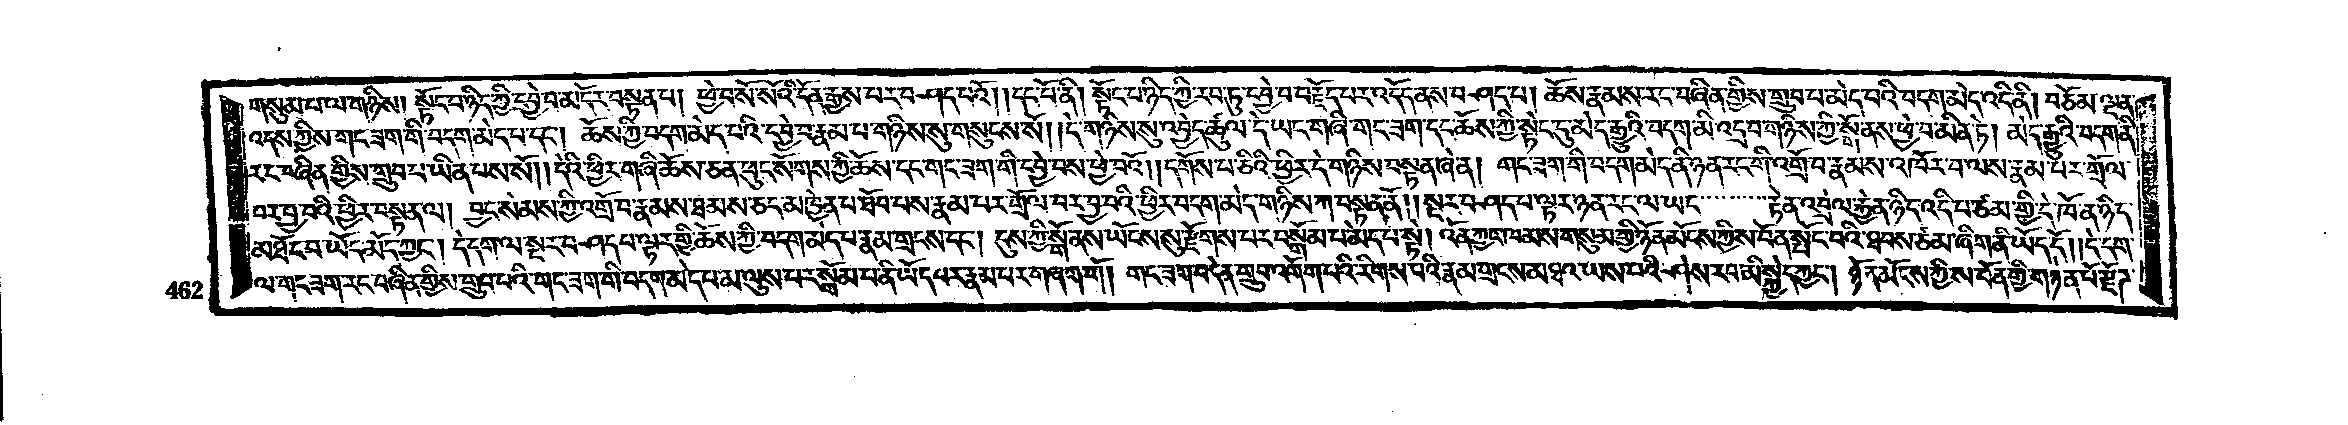གསུམ་པ་ལ་གཉིས། སྟོང་པ་ཉིད་ཀྱི་དབྱེ་བ་མདོར་བསྟན་པ། ཕྱེ་བ་སོ་སོའི་དོན་རྒྱས་པར་བཤད་པའོ། །དང་པོ་ནི། སྟོང་པ་ཉིད་ཀྱི་རབ་ཏུ་དབྱེ་བ་བརྗོད་པར་འདོད་ནས་བཤད་པ། ཆོས་རྣམས་རང་བཞིན་གྱིས་གྲུབ་པ་མེད་པའི་བདག་མེད་འདི་ནི། །བཅོམ་ལྡན་
འདས་ཀྱིས་གང་ཟག་གི་བདག་མེད་པ་དང་། ཆོས་ཀྱི་བདག་མེད་པའི་དབྱེ་བ་རྣམ་པ་གཉིས་སུ་གསུངས་སོ། །དེ་གཉིས་སུ་འབྱེད་ཚུལ་དེ་ཡང་གཞི་གང་ཟག་དང་ཆོས་ཀྱི་སྟེང་དུ་མེད་རྒྱུའི་བདག་མི་འདྲ་བ་གཉིས་ཀྱི་སྒོ་ནས་ཕྱེ་བ་མིན་ཏེ། མེད་རྒྱུའི་བདག་ནི་
རང་བཞིན་གྱིས་གྲུབ་པ་ཡིན་པས་སོ། །དེའི་ཕྱིར་གཞི་ཆོས་ཅན་ཕུང་སོགས་ཀྱི་ཆོས་དང་གང་ཟག་གི་དབྱེ་བས་ཕྱེ་བའོ། །དགོས་པ་ཅིའི་ཕྱིར་དེ་གཉིས་བསྟན་ཞེ་ན། གང་ཟག་གི་བདག་མེད་ནི་ཉན་རང་གི་འགྲོ་བ་རྣམས་འཁོར་བ་ལས་རྣམ་པར་གྲོལ་
བར་བྱ་བའི་ཕྱིར་བསྟན་ལ། བྱང་སེམས་ཀྱི་འགྲོ་བ་རྣམས་ཐམས་ཅད་མཁྱེན་པ་ཐོབ་པས་རྣམ་པར་གྲོལ་བར་བྱ་བའི་ཕྱིར་བདག་མེད་གཉིས་ཀ་བསྟན་ནོ། །སྔར་བཤད་པ་ལྟར་ཉན་རང་ལ་ཡང་རྟེན་འབྲེལ་རྐྱེན་ཉིད་འདི་པ་ཙམ་གྱི་དེ་ཁོ་ན་ཉིད་
མཐོང་བ་ཡོད་མོད་ཀྱང་། དེ་དག་ལ་སྔར་བཤད་པ་ལྟར་གྱི་ཆོས་ཀྱི་བདག་མེད་པ་རྣམ་གྲངས་དང་། དུས་ཀྱི་སྒོ་ནས་ཡོངས་སུ་རྫོགས་པར་བསྒོམ་པ་མེད་པ་སྟེ། འོན་ཀྱང་ཁམས་གསུམ་གྱི་ཉོན་མོངས་ཀྱི་ས་བོན་སྤོང་བའི་ཐབས་ཙམ་ཞིག་ནི་ཡོད་དོ། །དེ་དག་
ལ་གང་ཟག་རང་བཞིན་གྱིས་གྲུབ་པའི་གང་ཟག་གི་བདག་མེད་པ་མ་ལུས་པར་སྒོམ་པ་ནི་ཡོད་པར་རྣམ་པར་གཞག་གོ །གང་ཟག་བདེན་གྲུབ་འགོག་པའི་རིགས་པའི་རྣམ་གྲངས་མཐའ་ཡས་པའི་ཤེས་རབ་མི་སྐྱེད་ཀྱང་། ཉོན་མོངས་ཀྱི་ས་བོན་གྱི་གཉེན་པོ་རྫོགས་